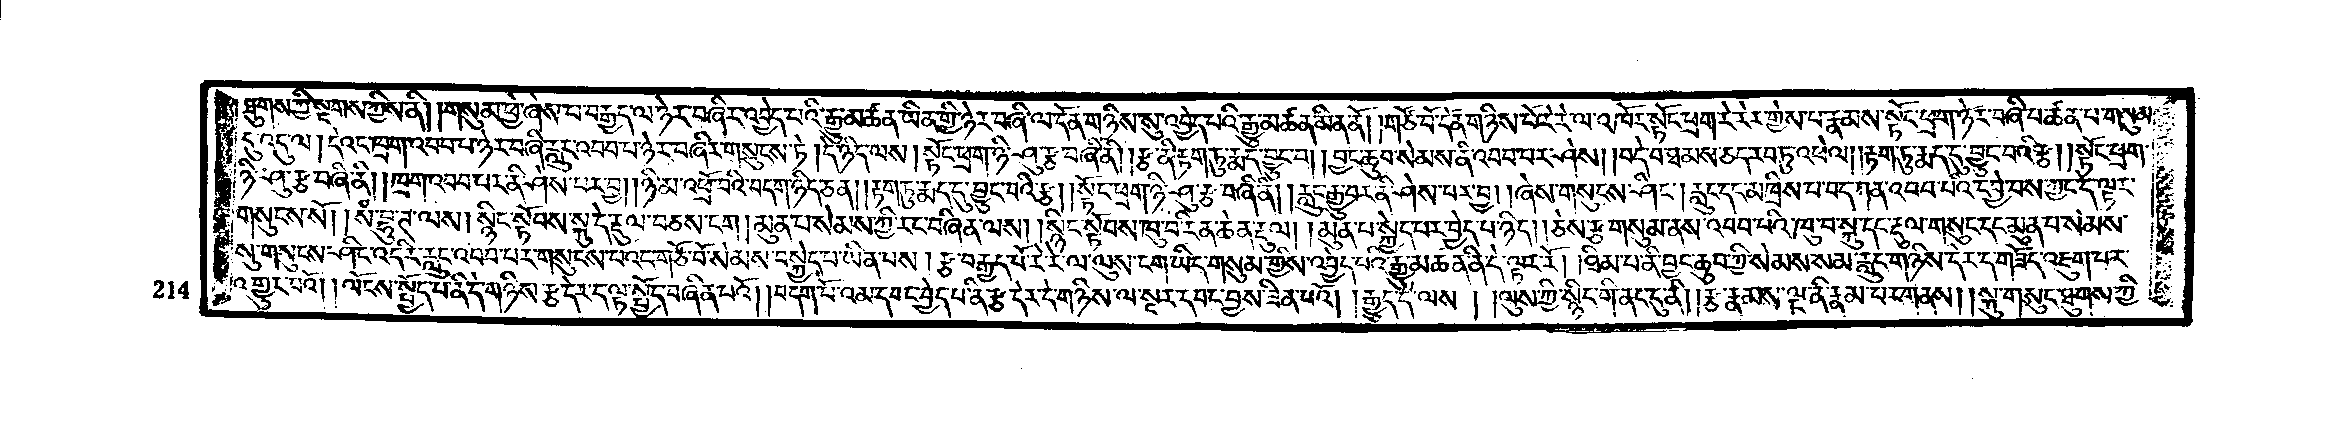ཐུགས་ཀྱི་སྔགས་ཀྱིས་ནི། །གསུམ་ཕྱེ་ཞེས་པ་བརྒྱད་ལ་ཉེར་བཞིར་འབྱེད་པའི་རྒྱུ་མཚན་ཡིན་གྱི་ཉེར་བཞི་ལ་དོན་གཉིས་སུ་འབྱེད་པའི་རྒྱུ་མཚན་མིན་ནོ། །གཙོ་བོ་དོན་གཉིས་པོ་རེ་རེ་ལ་འཁོར་སྟོང་ཕྲག་རེ་རེར་གྱེས་པ་རྣམས་སྟོང་ཕྲག་ཉེར་བཞི་པ་ཚན་པ་གསུམ་
དུ་འདུ་ལ། དེའང་ཁྲག་འབབ་པ་ཉེར་བཞི་རླུང་འབབ་པ་ཉེར་བཞིར་གསུངས་ཏེ། དེ་ཉིད་ལས། སྟོང་ཕྲག་ཉི་ཤུ་རྩ་བཞི་ནི། །རྩ་ནི་རྟག་ཏུ་རྨད་བྱུང་བ། །བྱང་ཆུབ་སེམས་ནི་འབབ་པར་ཤེས། །བདེ་བ་ཐམས་ཅད་རབ་ཏུ་འཕེལ། །རྟག་ཏུ་རྨད་དུ་བྱུང་བའི་རྩ། །སྟོང་ཕྲག་
ཉི་ཤུ་རྩ་བཞི་ནི། །ཁྲག་འབབ་པར་ནི་ཤེས་པར་བྱ། །ཉི་མ་འཕྲོ་བའི་བདག་ཉིད་ཅན། །རྟག་ཏུ་རྨད་དུ་བྱུང་བའི་རྩ། །སྟོང་ཕྲག་ཉི་ཤུ་རྩ་བཞི་ནི། །རླུང་རྒྱུ་བར་ནི་ཤེས་པར་བྱ། །ཞེས་གསུངས་ཤིང་། རླུང་དང་མཁྲིས་པ་བད་ཀན་འབབ་པའི་དབྱེ་བས་ཀྱང་དེ་ལྟར་
གསུངས་སོ། །སཾ་བྷུ་ཊ་ལས། སྙིང་སྟོབས་སྐུ་དེ་རྡུལ་བཅས་ངག །མུན་པ་སེམས་ཀྱི་རང་བཞིན་ལས། །སྙིང་སྟོབས་ཁུ་བ་རིན་ཆེན་རྡུལ། །མུན་པ་སྐྱེད་པར་བྱེད་པ་ཉིད། །ཅེས་རྩ་གསུམ་ནས་འབབ་པའི་ཁུ་བ་སྐུ་དང་རྡུལ་གསུངས་དང་མུན་པ་སེམས་
སུ་གསུང་ཤིང་འདིར་རླུང་འབབ་པར་གསུངས་པའང་གཙོ་བོ་སེམས་བསྐྱེད་པ་ཡིན་པས། རྩ་བརྒྱད་པོ་རེ་རེ་ལ་ལུས་ངག་ཡིད་གསུམ་གྱིས་འབྱེད་པའི་རྒྱུ་མཚན་ནི་དེ་ལྟར་རོ། །ཐིམ་པ་ནི་བྱང་ཆུབ་ཀྱི་སེམས་སམ་རླུང་གཉིས་དེར་ད་གཟོད་འཇུག་པར་
འགྱུར་བའོ། །ལོངས་སྤྱོད་པ་ནི་དེ་གཉིས་རྩ་དེར་ད་ལྟ་སྤྱོད་བཞིན་པའོ། །བདག་པོ་འམ་དབང་བྱེད་པ་ནི་རྩ་དེར་དེ་གཉིས་ལ་སྔར་དབང་བྱས་ཟིན་པའོ། །རྒྱུད་དེ་ལས། །ལུས་ཀྱི་སྙིང་གི་ནང་དུ་ནི། །རྩ་རྣམས་ལྔ་ནི་རྣམ་པར་གནས། །སྐུ་གསུང་ཐུགས་ཀྱི་